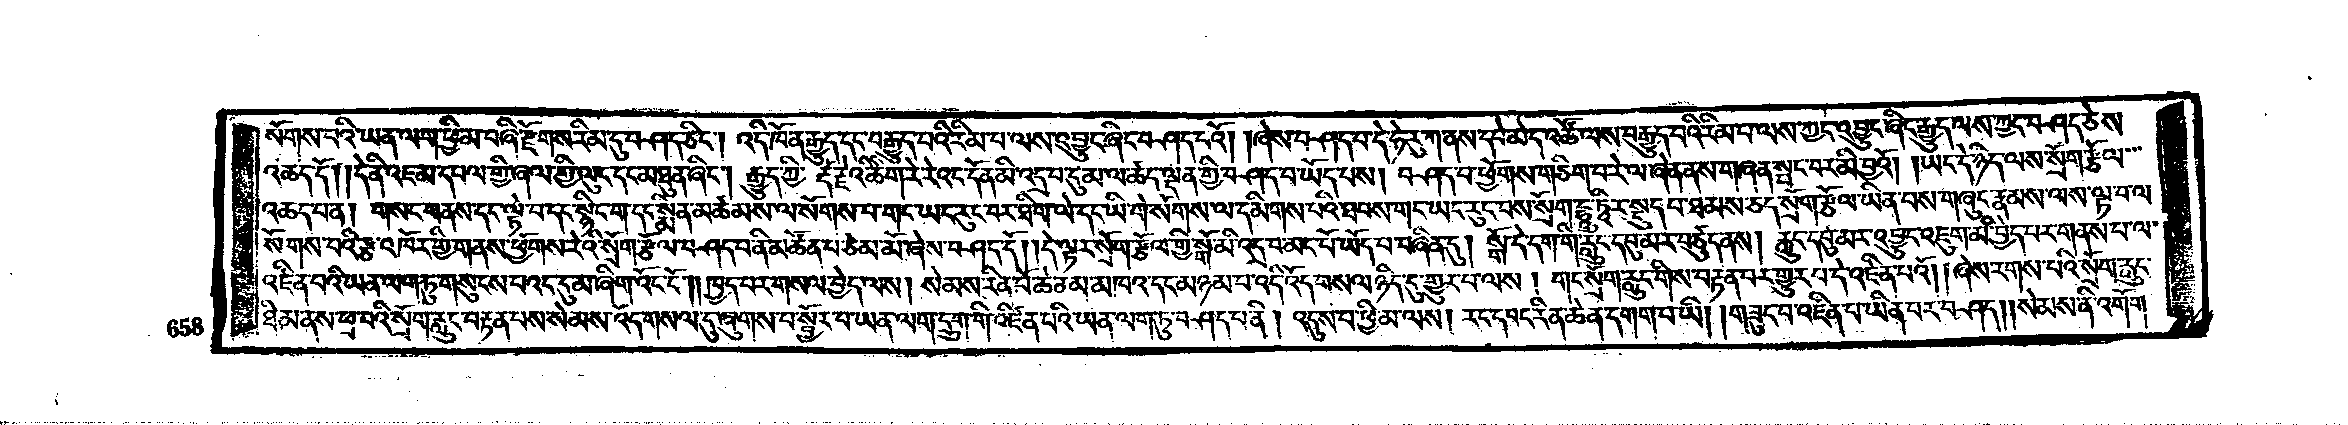སོགས་པའི་ཡན་ལག་ཕྱི་མ་བཞི་རྫོགས་རིམ་དུ་བཤད་ཅིང་། འདི་ཁོ་ན་རྒྱུད་དང་བརྒྱུད་པའི་རིམ་པ་ལས་འབྱུང་ཞིང་བཤད་པའོ། །ཞེས་བཤད་པ་དེ་ཧེ་རུ་ཀ་ནས་དཔེ་མེད་འཚོ་ལས་བརྒྱུད་པའི་རིམ་པ་ལས་ཀྱང་འབྱུང་ཞིང་རྒྱུད་ལས་ཀྱང་བཤད་ཅེས་
འཆད་དོ། །དེ་ནི་འཇམ་དཔལ་གྱི་ཞལ་གྱི་ལུང་དང་མཐུན་ཞིང་། རྒྱུད་ཀྱི་རྡོ་རྗེའི་ཚིག་རེ་རེའང་དོན་མི་འདྲ་བ་དུ་མ་ལ་ཚད་ལྡན་གྱི་བཤད་པ་ཡོད་པས། བཤད་པ་ཕྱོགས་གཅིག་པ་རེ་ལ་ཞེན་ནས་གཞན་སྤང་བར་མི་བྱའོ། །ཡང་དེ་ཉིད་ལས་སྲོག་རྩོལ་
འཆད་པ་ན། གསང་གནས་དང་ལྟེ་བ་དང་སྙིང་ག་དང་སྨིན་མཚམས་ལ་སོགས་པ་གང་ཡང་རུང་བར་ཐིག་ལེ་དང་ཡི་གེ་སོག་སླ་དམིགས་པའི་ཐབས་གང་ཡང་རུང་བས་སྲོག་དྷཱུ་ཏཱིར་སྡུད་པ་ཐམས་ཅད་སྲོག་རྩོལ་ཡིན་པས་གཞུང་རྣམས་ལས་ལྟ་བ་ལ་
སོགས་པའི་རྩ་འཁོར་གྱི་གནས་ཕྱོགས་རེའི་སྲོག་རྩོལ་བཤད་པ་ནི་མཚོན་པ་ཅེམ་མོ་ཞེས་བཤད་དོ། །དེ་ལྟར་སྲོག་རྩོལ་གྱི་སྒོ་མི་འདྲ་བ་མང་པོ་ཡོད་པ་བཞིན་དུ། སྒོ་དེ་དག་གི་རླུང་དབུ་མར་བཙུད་ནས། རླུང་དབུ་མར་འབྱུང་བ་འཇུག་མི་བྱེད་པར་གནས་པ་ལ་
འཛིན་པའི་ཡན་ལག་ཏུ་གསུངས་པའང་དུ་མ་ཞིག་འོང་ངོ། །ཁྱད་པར་གསལ་བྱེད་ལས། སེམས་རིན་པོ་ཆེ་ནམ་མཁའ་དང་མཉམ་པ་འདི་འོད་གསལ་ཉིད་དུ་གྱུར་པ་ལས། གང་སྲོག་རླུང་གིས་བརྟན་པར་གྱུར་པ་དེ་འཛིན་པའོ། །ཞེས་རགས་པའི་སྲོག་རླུང་
ཐིམ་ནས་ཕྲ་བའི་སྲོག་རླུང་བརྟན་པས་སེམས་འོད་གསལ་དུ་ཞུགས་པ་སྦྱོར་བ་ཡན་ལག་དྲུག་གི་འཛིན་པའི་ཡན་ལག་ཏུ་བཤད་པ་ནི། འདུས་པ་ཕྱི་མ་ལས། རང་དབང་རིན་ཆེན་དགག་པ་ཡི། །གཟུང་བ་འཛིན་པ་ཡིན་པར་བཤད། །སེམས་ནི་འགོག་